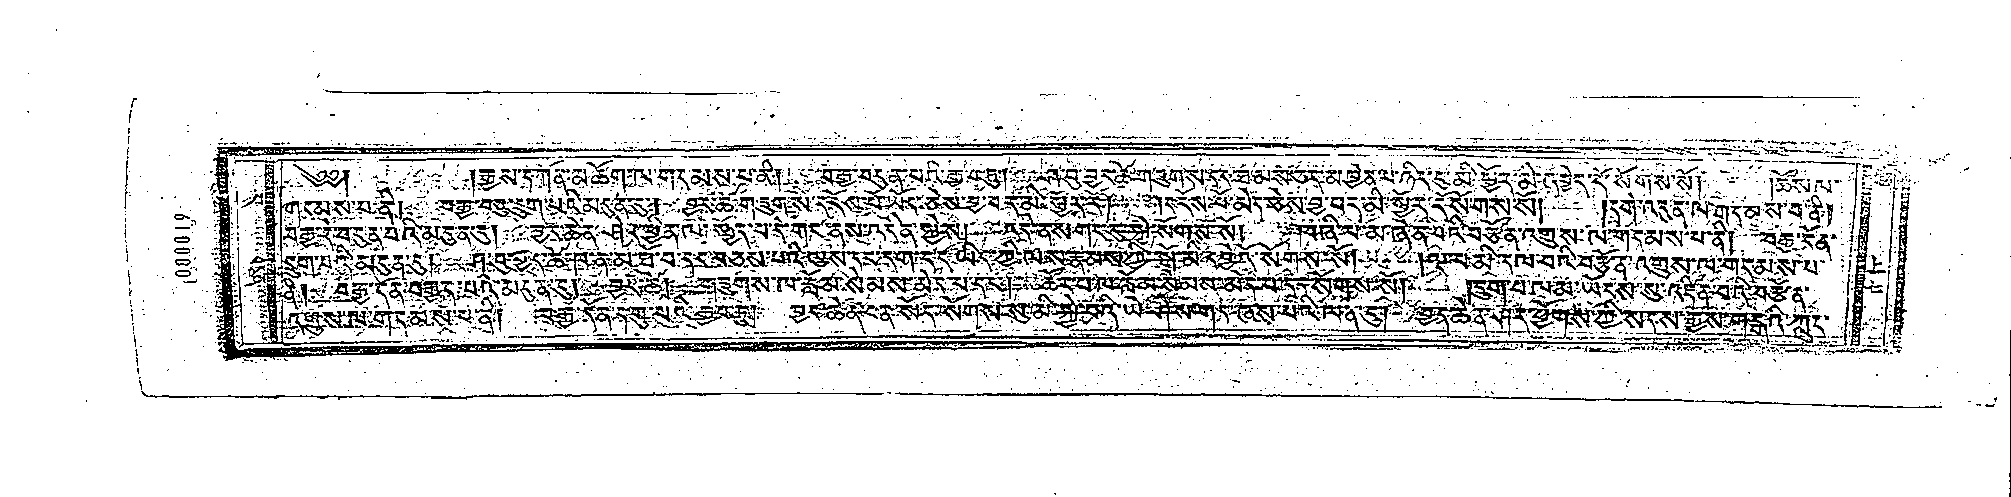༄༅། །རྒྱས་དཀོན་མཆོག་ལ་གདམས་པ་ནི། བརྒྱ་བདུན་པའི་རྒྱབ་ཏུ། ག་བུ་བྱང་ཚེ་གཟུགས་དང་ཐམས་ཅད་མཁྱེན་པ་ཉིད་དུ་མི་སྦྱོར་མི་འབྱེད་དོ་སོགས་སོ། །ཆོས་ལ་
གདམས་པ་ནི། བརྒྱ་བཅུ་དྲུག་པའི་མདུན་དུ། བྱང་ཚེ་གཟུགས་དངོས་པོ་ཡོད་ཅེས་བྱ་བར་མི་སྦྱོར་རོ། །དངོས་པོ་མེད་ཅེས་བྱ་བར་མི་སྦྱོར་རོ་སོགས་སོ། །དགེ་འདུན་ལ་གདམས་པ་ནི།
བརྒྱ་རེ་བདུན་པའི་མདུན་དུ། བྱང་ཆེན་ཤེར་ཕྱིན་ལ་སྦྱོད་པ་དེ་གང་ནས་འདི་ན་སྐྱེས། འདི་ནས་གང་དུ་སྐྱེ་སོགས་སོ། །བཞི་པ་མ་ཞེན་བའི་བརྩོན་འགྲུས་ལ་གདམས་པ་ནི། བརྒྱ་དོན་
དྲུག་པའི་མདུན་དུ། ཤ་བུ་བྱང་ཚེ་ཁ་ན་མ་ཐོ་བ་དང་བཅས་པའི་ལུས་དང་ངག་དང་ཡིད་ཀྱི་ལས་རྣམས་ཀྱི་སྒོ་མི་དབྱེའོ་སོགས་སོ། །ལྔ་པ་མི་དལ་བའི་བརྩོན་འགྲུས་ལ་གདམས་པ་
ནི། བརྒྱ་དོན་བརྒྱད་པའི་མདུན་དུ། བྱང་ཚེ། གཟུགས་ལ་རློམ་སེམས་མེད་པ་དང་། ཚོར་བ་ལ་རློམ་སེམས་མེད་པ་དང་སོགས་སོ། །དྲུག་པ་ལམ་ཡོངས་སུ་འཛིན་བའི་བརྩོན་
འགྲུས་ལ་གདམས་པ་ནི། བརྒྱ་དོན་དགུ་པའི་རྒྱབ་ཏུ། བྱང་ཆེན་ངན་སོང་སོགས་སུ་མི་སྐྱེ་བའི་ཡེ་ཤེས་དང་ཞུས་པའི་ལན་དུ། བྱང་ཆེན་ཤར་ཕྱོགས་ཀྱི་སངས་རྒྱས་གངྒའི་ཀླུང་